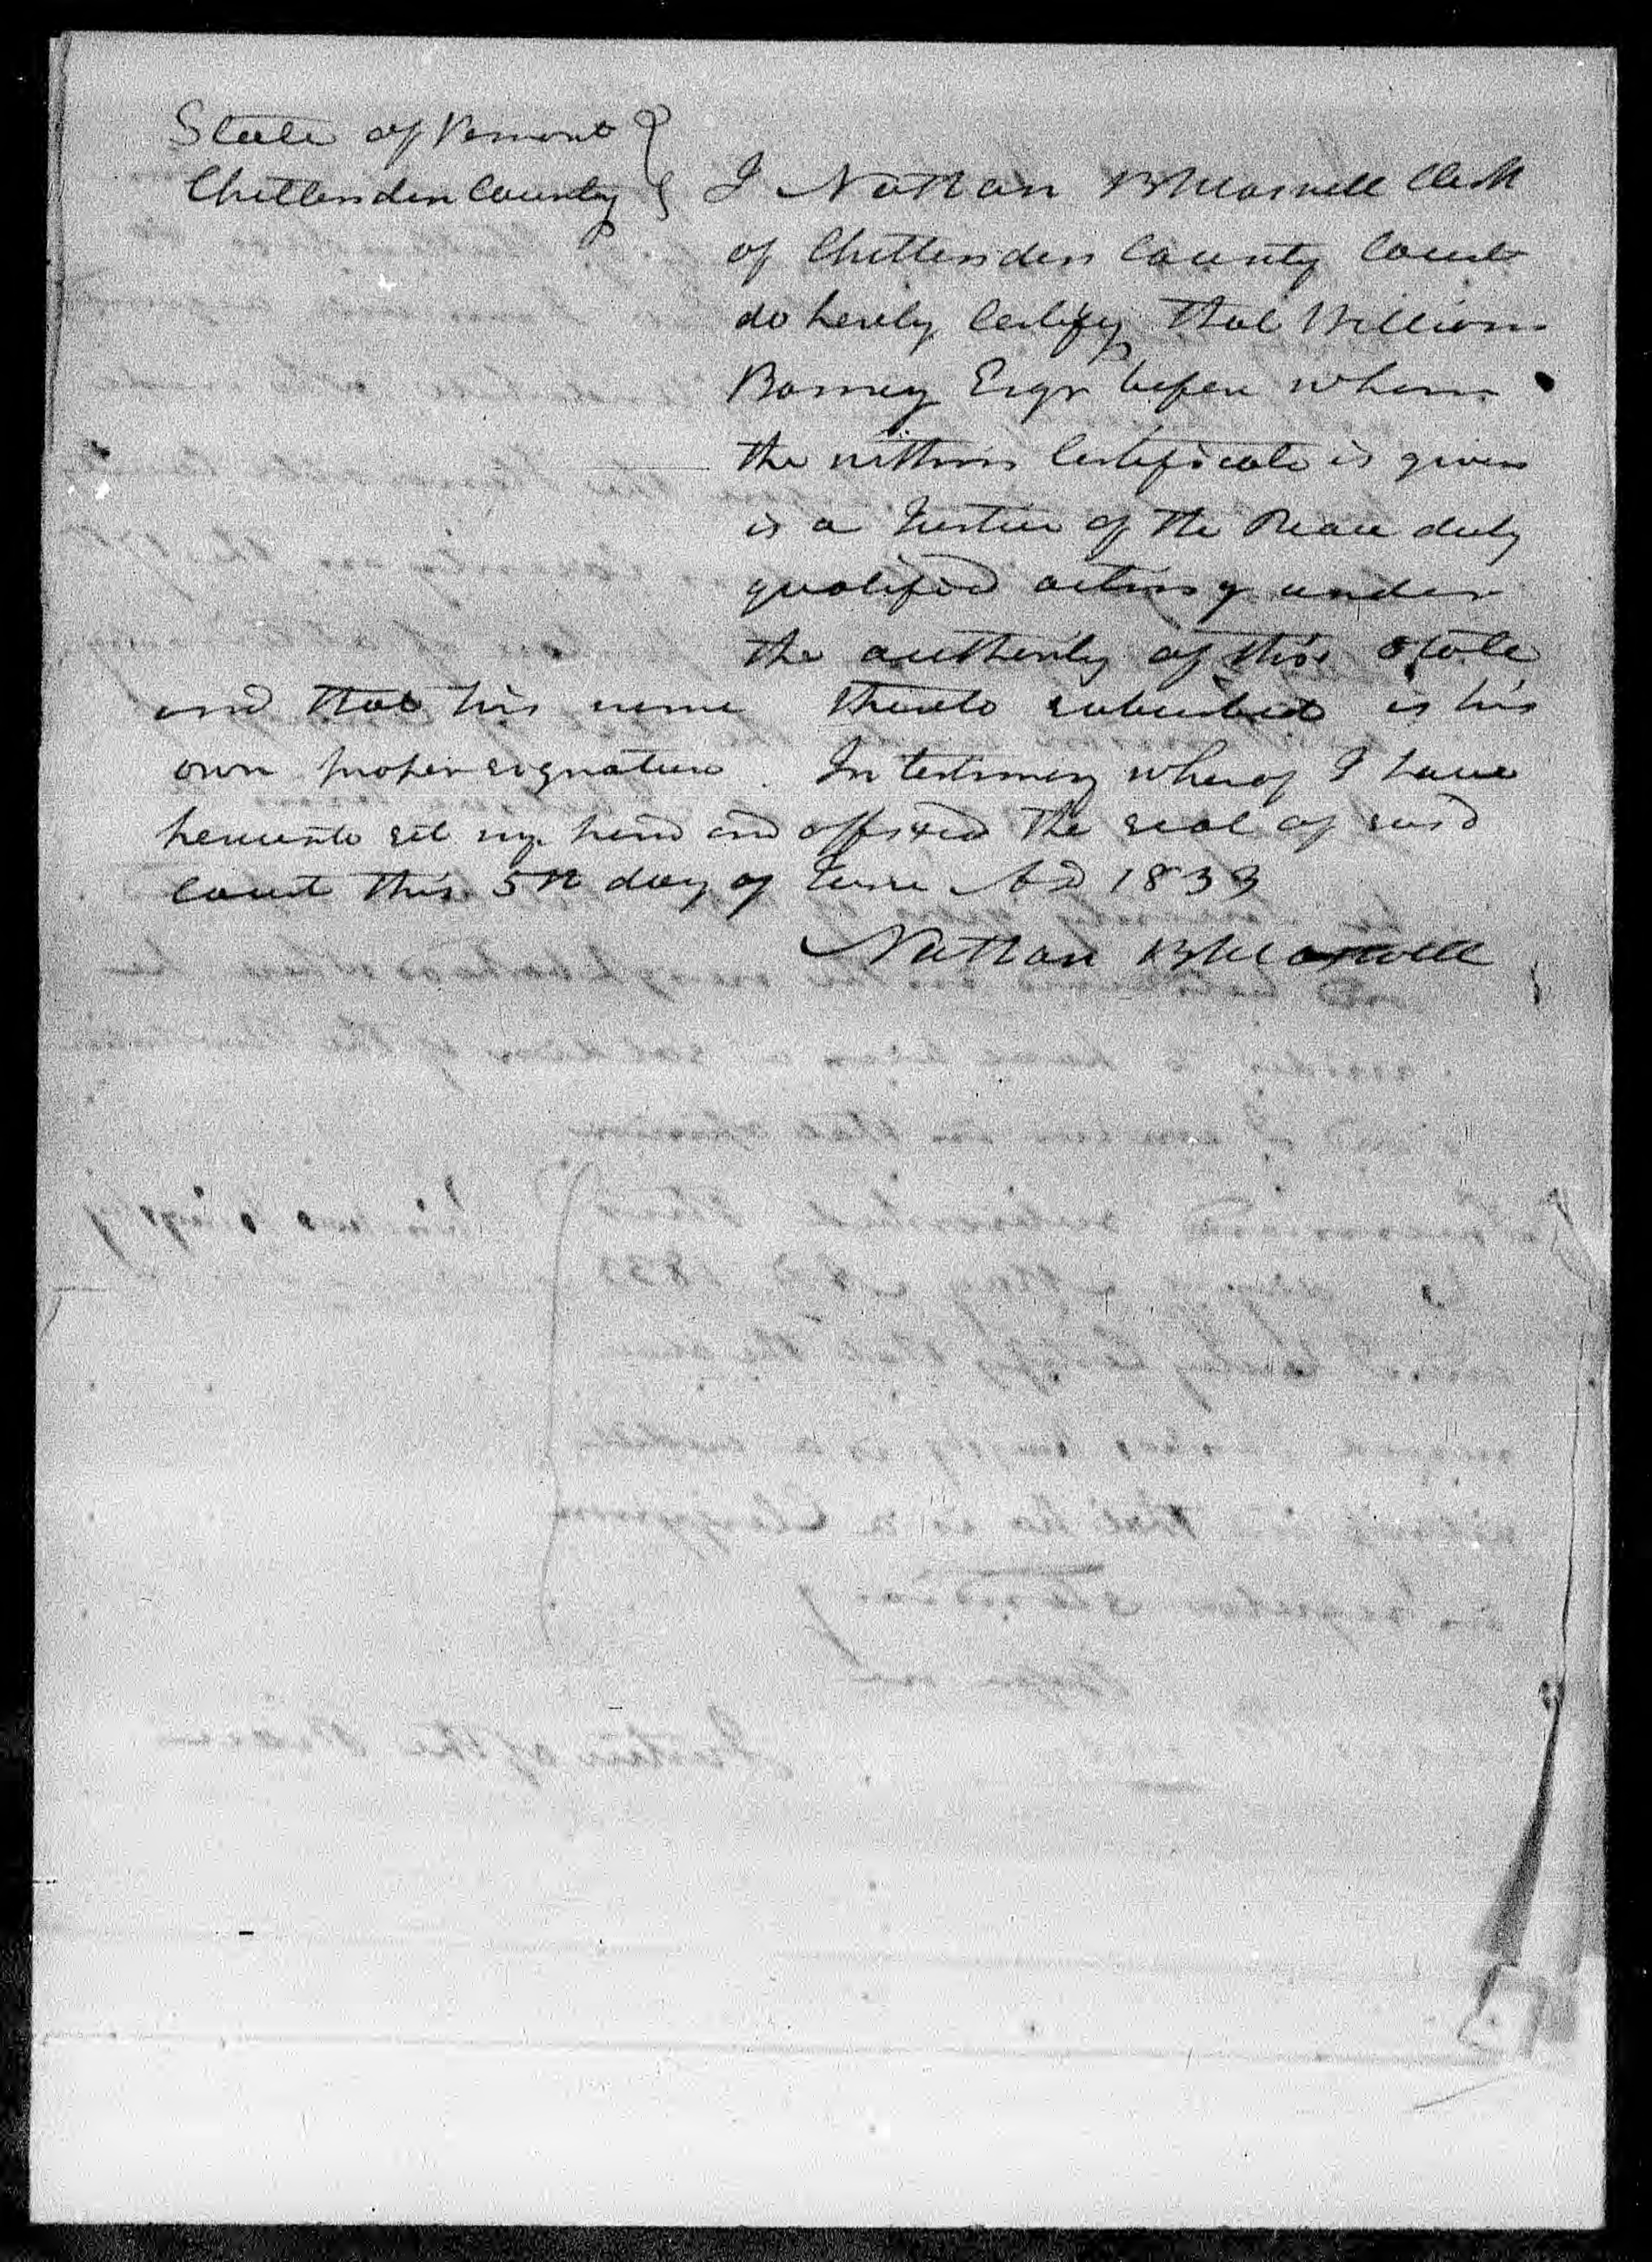State of Vermont    }
Chittenden County }

I Nathan B. Maswell Clerk of Chittenden County Court do hereby certify that William Barney Esqr before whom the within certificate is given is a Justice of the Peace duly qualified acting under the authority of this state and that his name thereto subscribed is his own proper signature.  In testimony whereof I have hereunto set my hand and affixed the seal of said court this 5th day of June A.D. 1833
Nathan B. Maswell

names: William Barney, Nathan B Maswell, Nathan H Maswell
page: 16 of 24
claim: survivor's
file: S. 15869, Chauncey Graves, Vt.